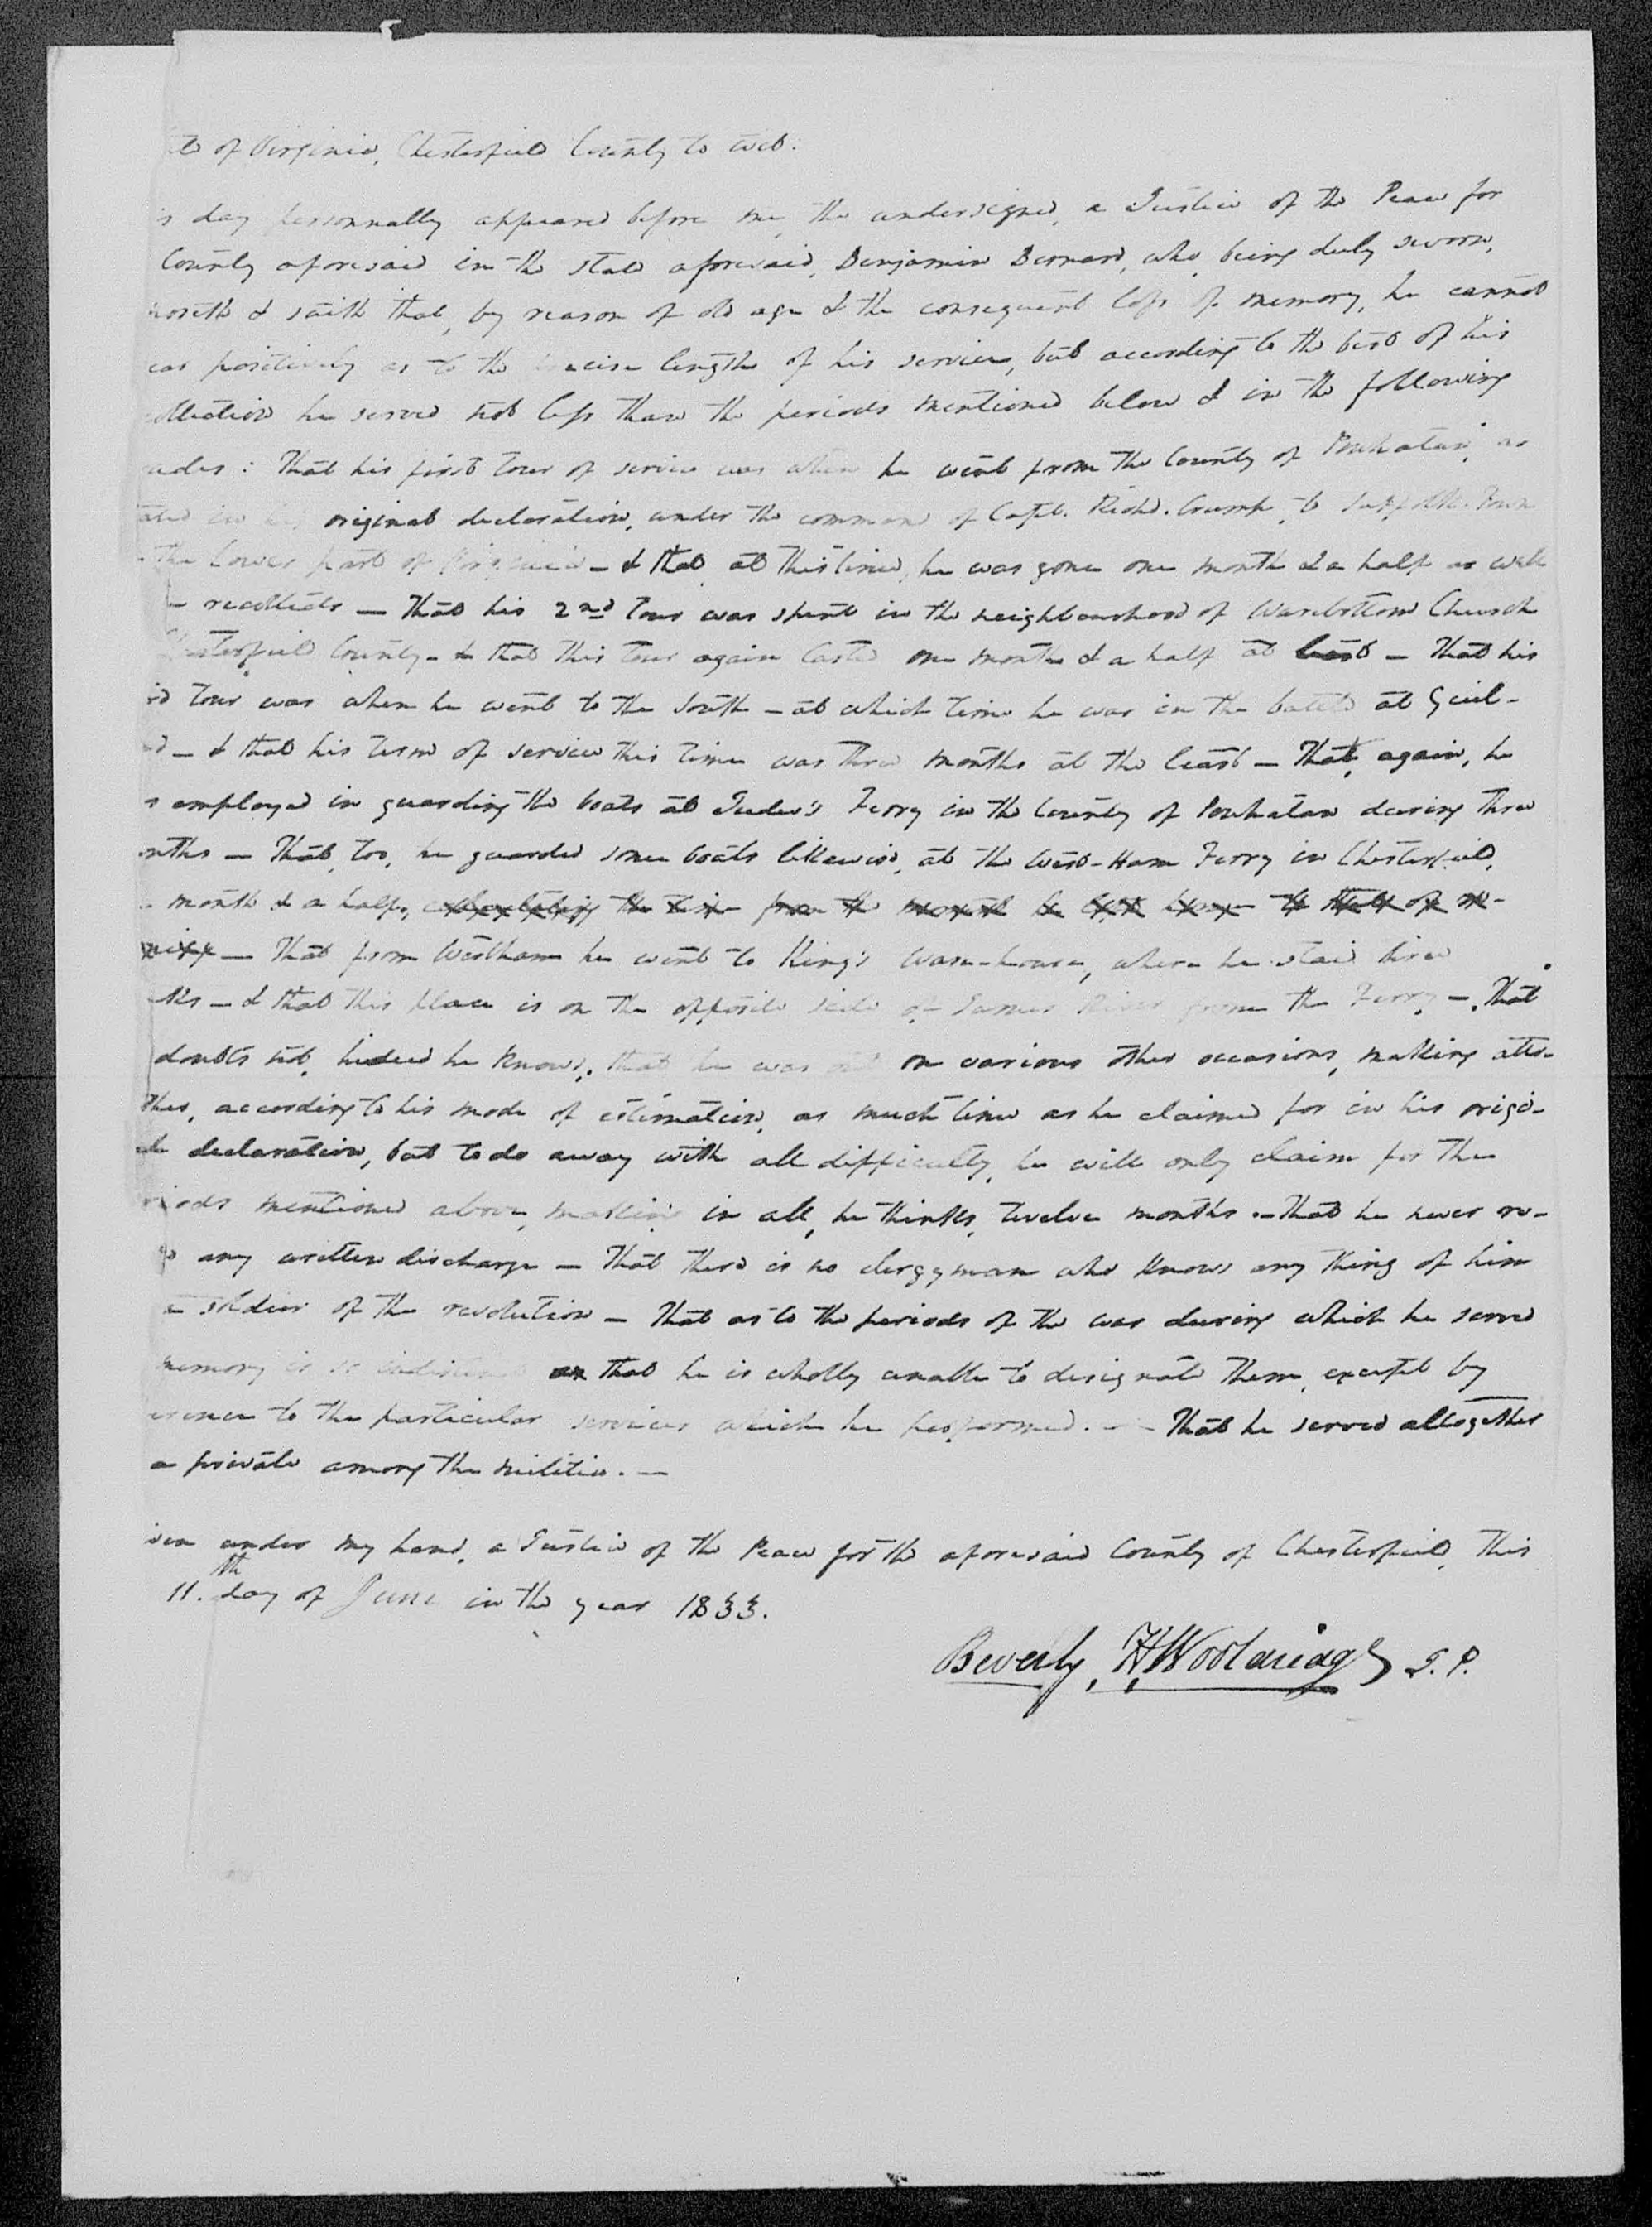[left side of page cut off]
[]te of Virginia, Chesterfield County to wit.
[]s day personally appeared before me, the undersigned, a Justice of the Peace for
[] County aforesaid in the state aforesaid, Benjamin Barnard, who being duly sworn,
[]oneth & saith that, by reason of old age & the consequent loss of memory, he cannot 
[]car positively as to the precise length of his service, but according to the best of his 
[]collection he served not less than the periods mentioned below & in the following
[]ades: That his first tour of service was when he went from the County of Powhatan, as
[]ated in his original declaration, under the command of Capt. Richd. Crump, to support the Town
[]the lower part of Virginia -- & that at this time he was gone one month & a half as well 
[] recollects -- That his 2nd tour was spent in the neighbourhood of Warebottom Church
[]hersterfield County -- & that this tour again one month & a half at least -- That his 
[]rd tour was when he went to the south -- at which time he was in the battle at Guil-
[]rd [Guilford] -- & that his term of service this time was three months at the least -- Thatt, again, he 
[]s employed in guarding the boats at Jude's Ferry in the County of Powhatan during three 
[]nths -- That, too, he guarded some boats likewise, at the West-Ham Ferry in Cheterfield,
[] months & a half, [remainder of line crossed out]
[] [cross out] --That  from Westham he went to King's Warehouse, where he staid three
[]ks -- & that this place is on the opposite side of James River from the Ferry -- That
[]doubts not, indeed he knows, that he was out on various other occasions, making alto-
[]ther, according to his mode of estimation, as much time as he claimed for in his origi-
[]l declaration, but to do away with all difficulty, he will only claim for the 
[]riods mentioned above, making in all, he thinks, twelve months -- That he never re-
[] any written discharge -- That there is no clergyman who knows any thing of him 
[] a soldier of the revolution -- That as to the periods of the war during which he served
[] memory is so indistinct ["as" crossed out] that he is wholly unable to designate them, except by 
[]rence to the particular services which he performed. -- That he served altogether 
[] a private among the militia. --

[]en under my hand, a Justice of the Peace for the aforesaid County of Chesterfield, this 
[] 11th day of June in the year 1833.
		[signature] Beverly .H. Wooldridge J.P.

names: Beverly H Wooldridge, Richd Crump, Benjamin Barnard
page: 5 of 18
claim: survivor's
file: S. 9096, Benjamin Barnard, Va.